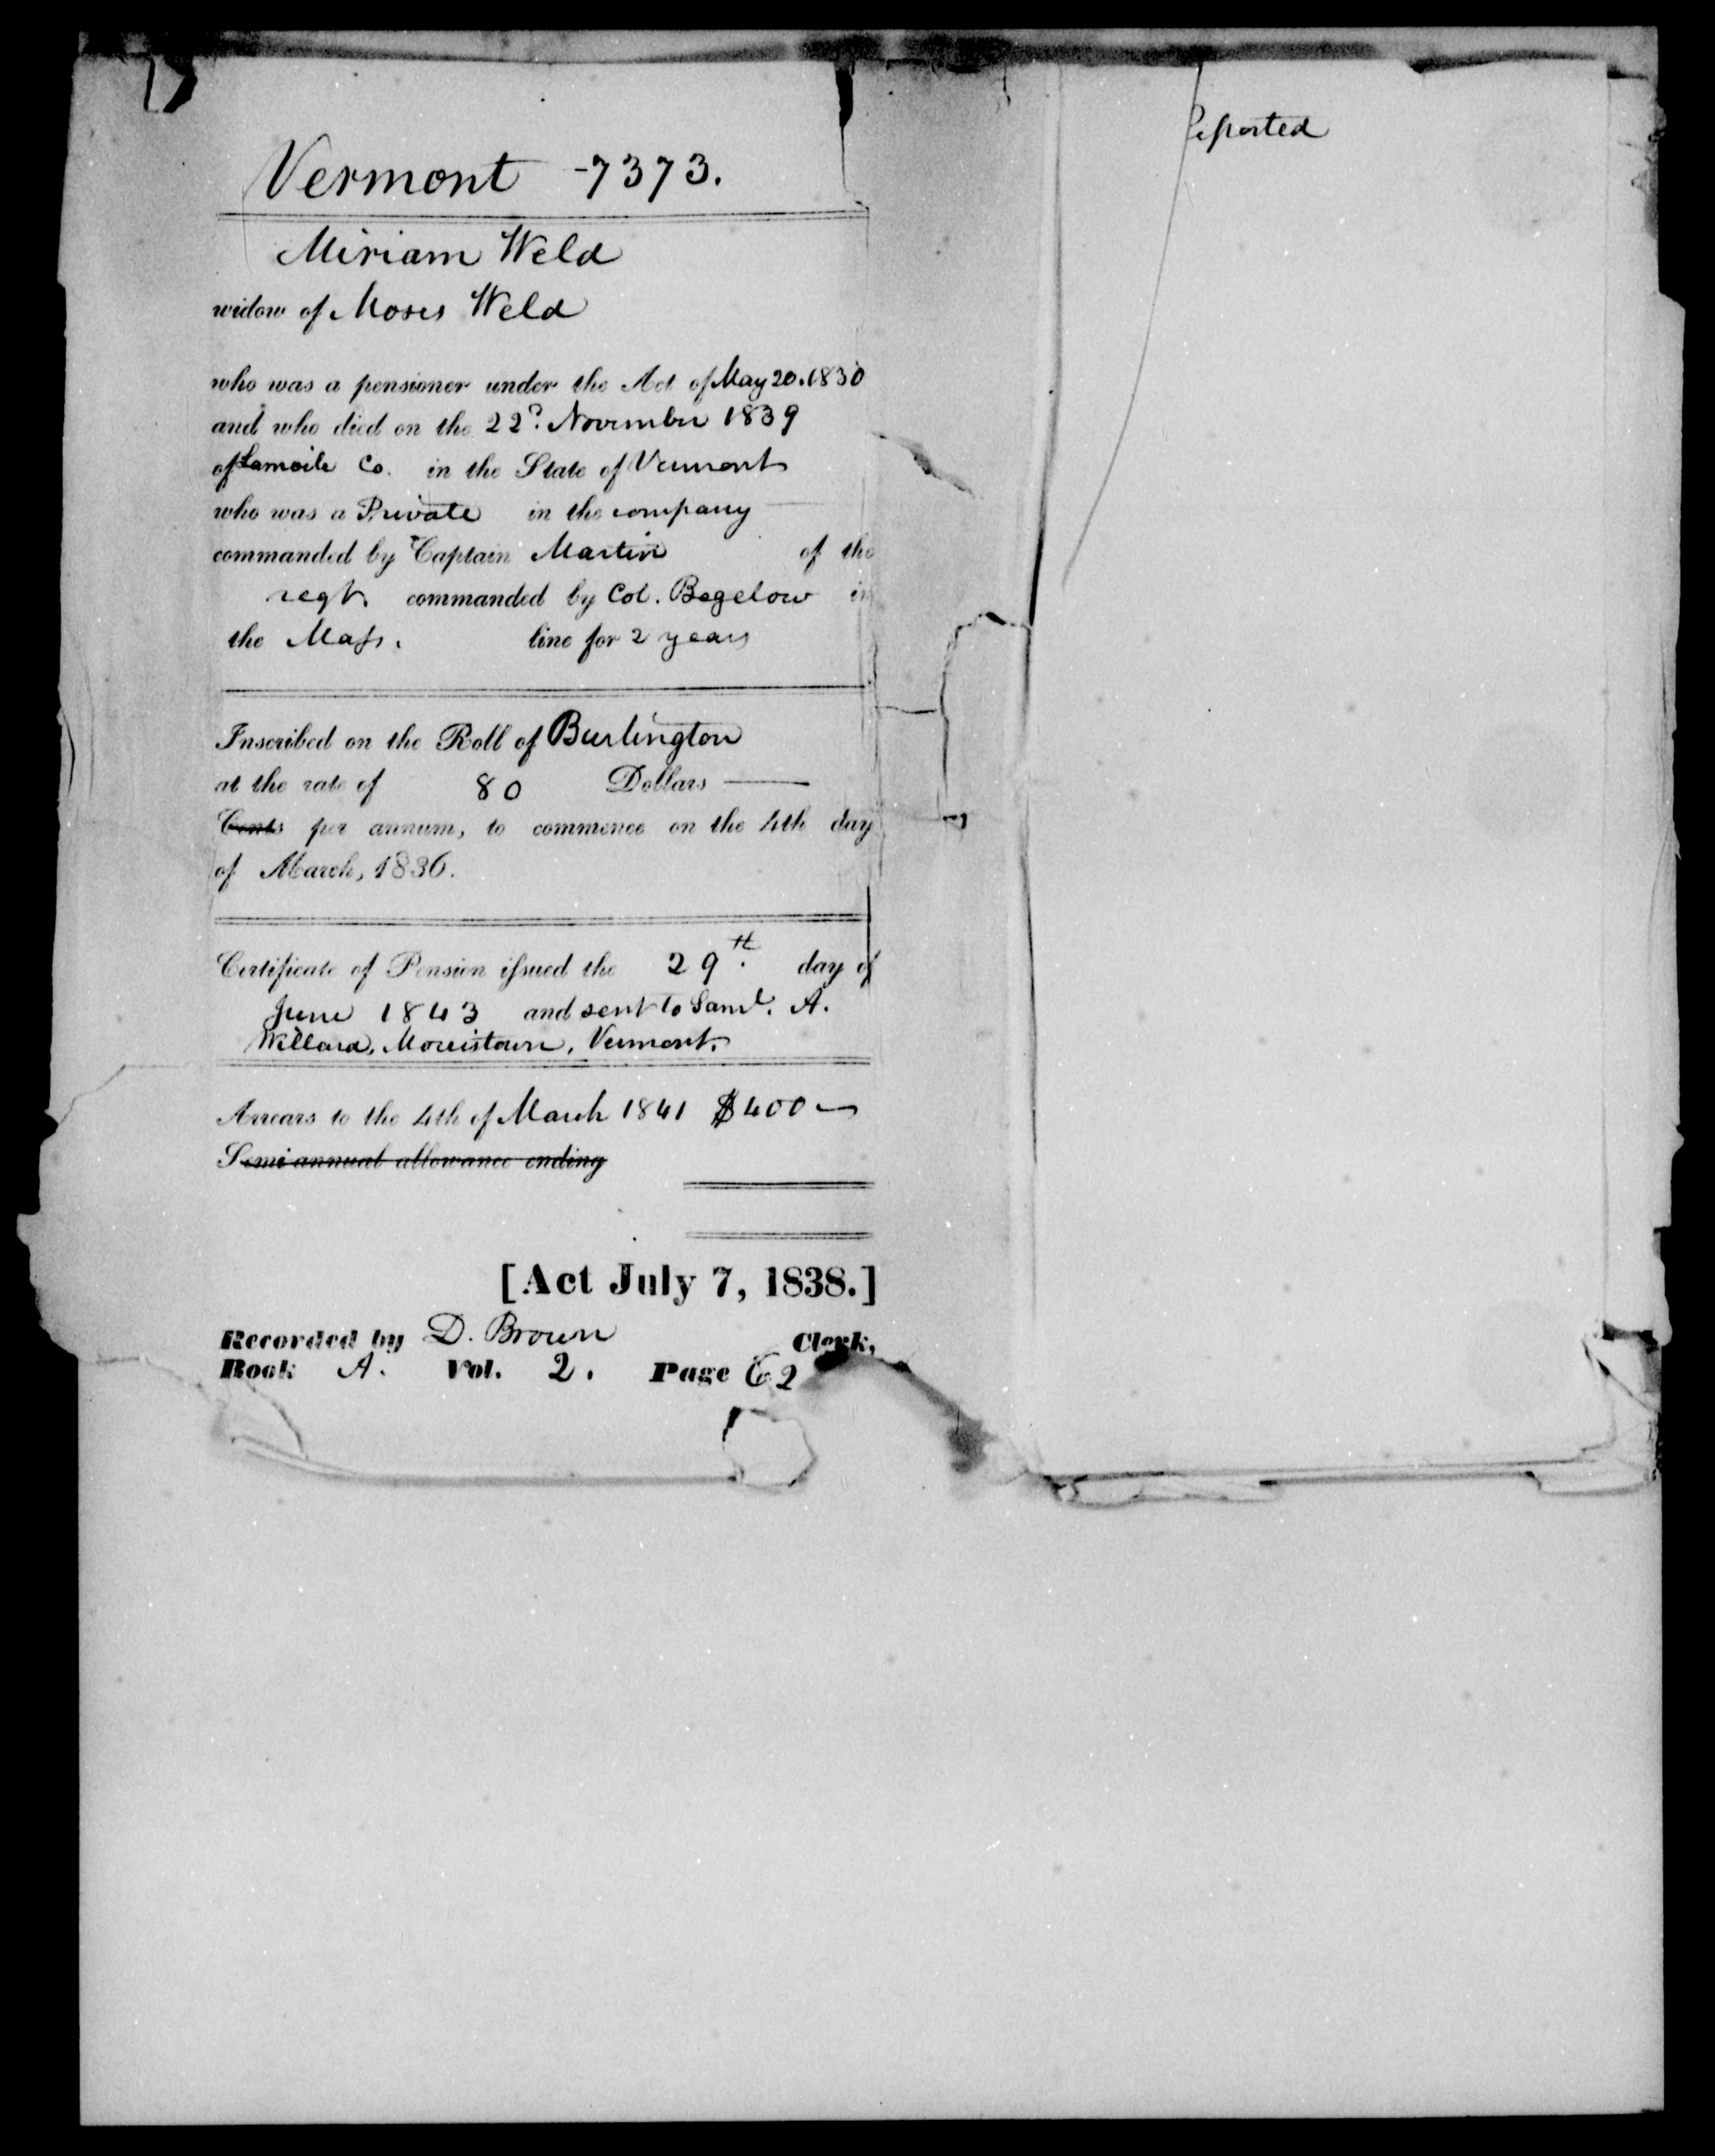Vermont 7373
Miriam Weld
widow of Moses Weld
who was a pensioner under the Act of May 20, 1830
and who died on the 22d November 1839
of Lamoille Co. in the State of Vermont
who was a Private in the company
commanded by Captain Martin
of the
regt. commanded by Col. Begelow in
the Mass.
line for 2 years
Inscribed on the Roll of Burlington
at the rate of
80
Dollars
per annum, to commence on the 4th day
of March, 1836.
Certificate of Pension issued the 29th day of
June 1843 and sent to Saml A.
Willard, Morristown, Vermont,
Arrears to the 4th of March 1841 $400 -
Semiannual allowance ending
-
-
[Act July 7, 1838]
Recorded by D. Brown, Clerk, 
Book A.  Vol. 2. Page 62

Reported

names: Saml A Willard, Martin, Miriam Weld, Moses Weld, D Brown, Begelow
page: 19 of 87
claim: widow's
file: W. 25,966, Moses Weld, Mass.